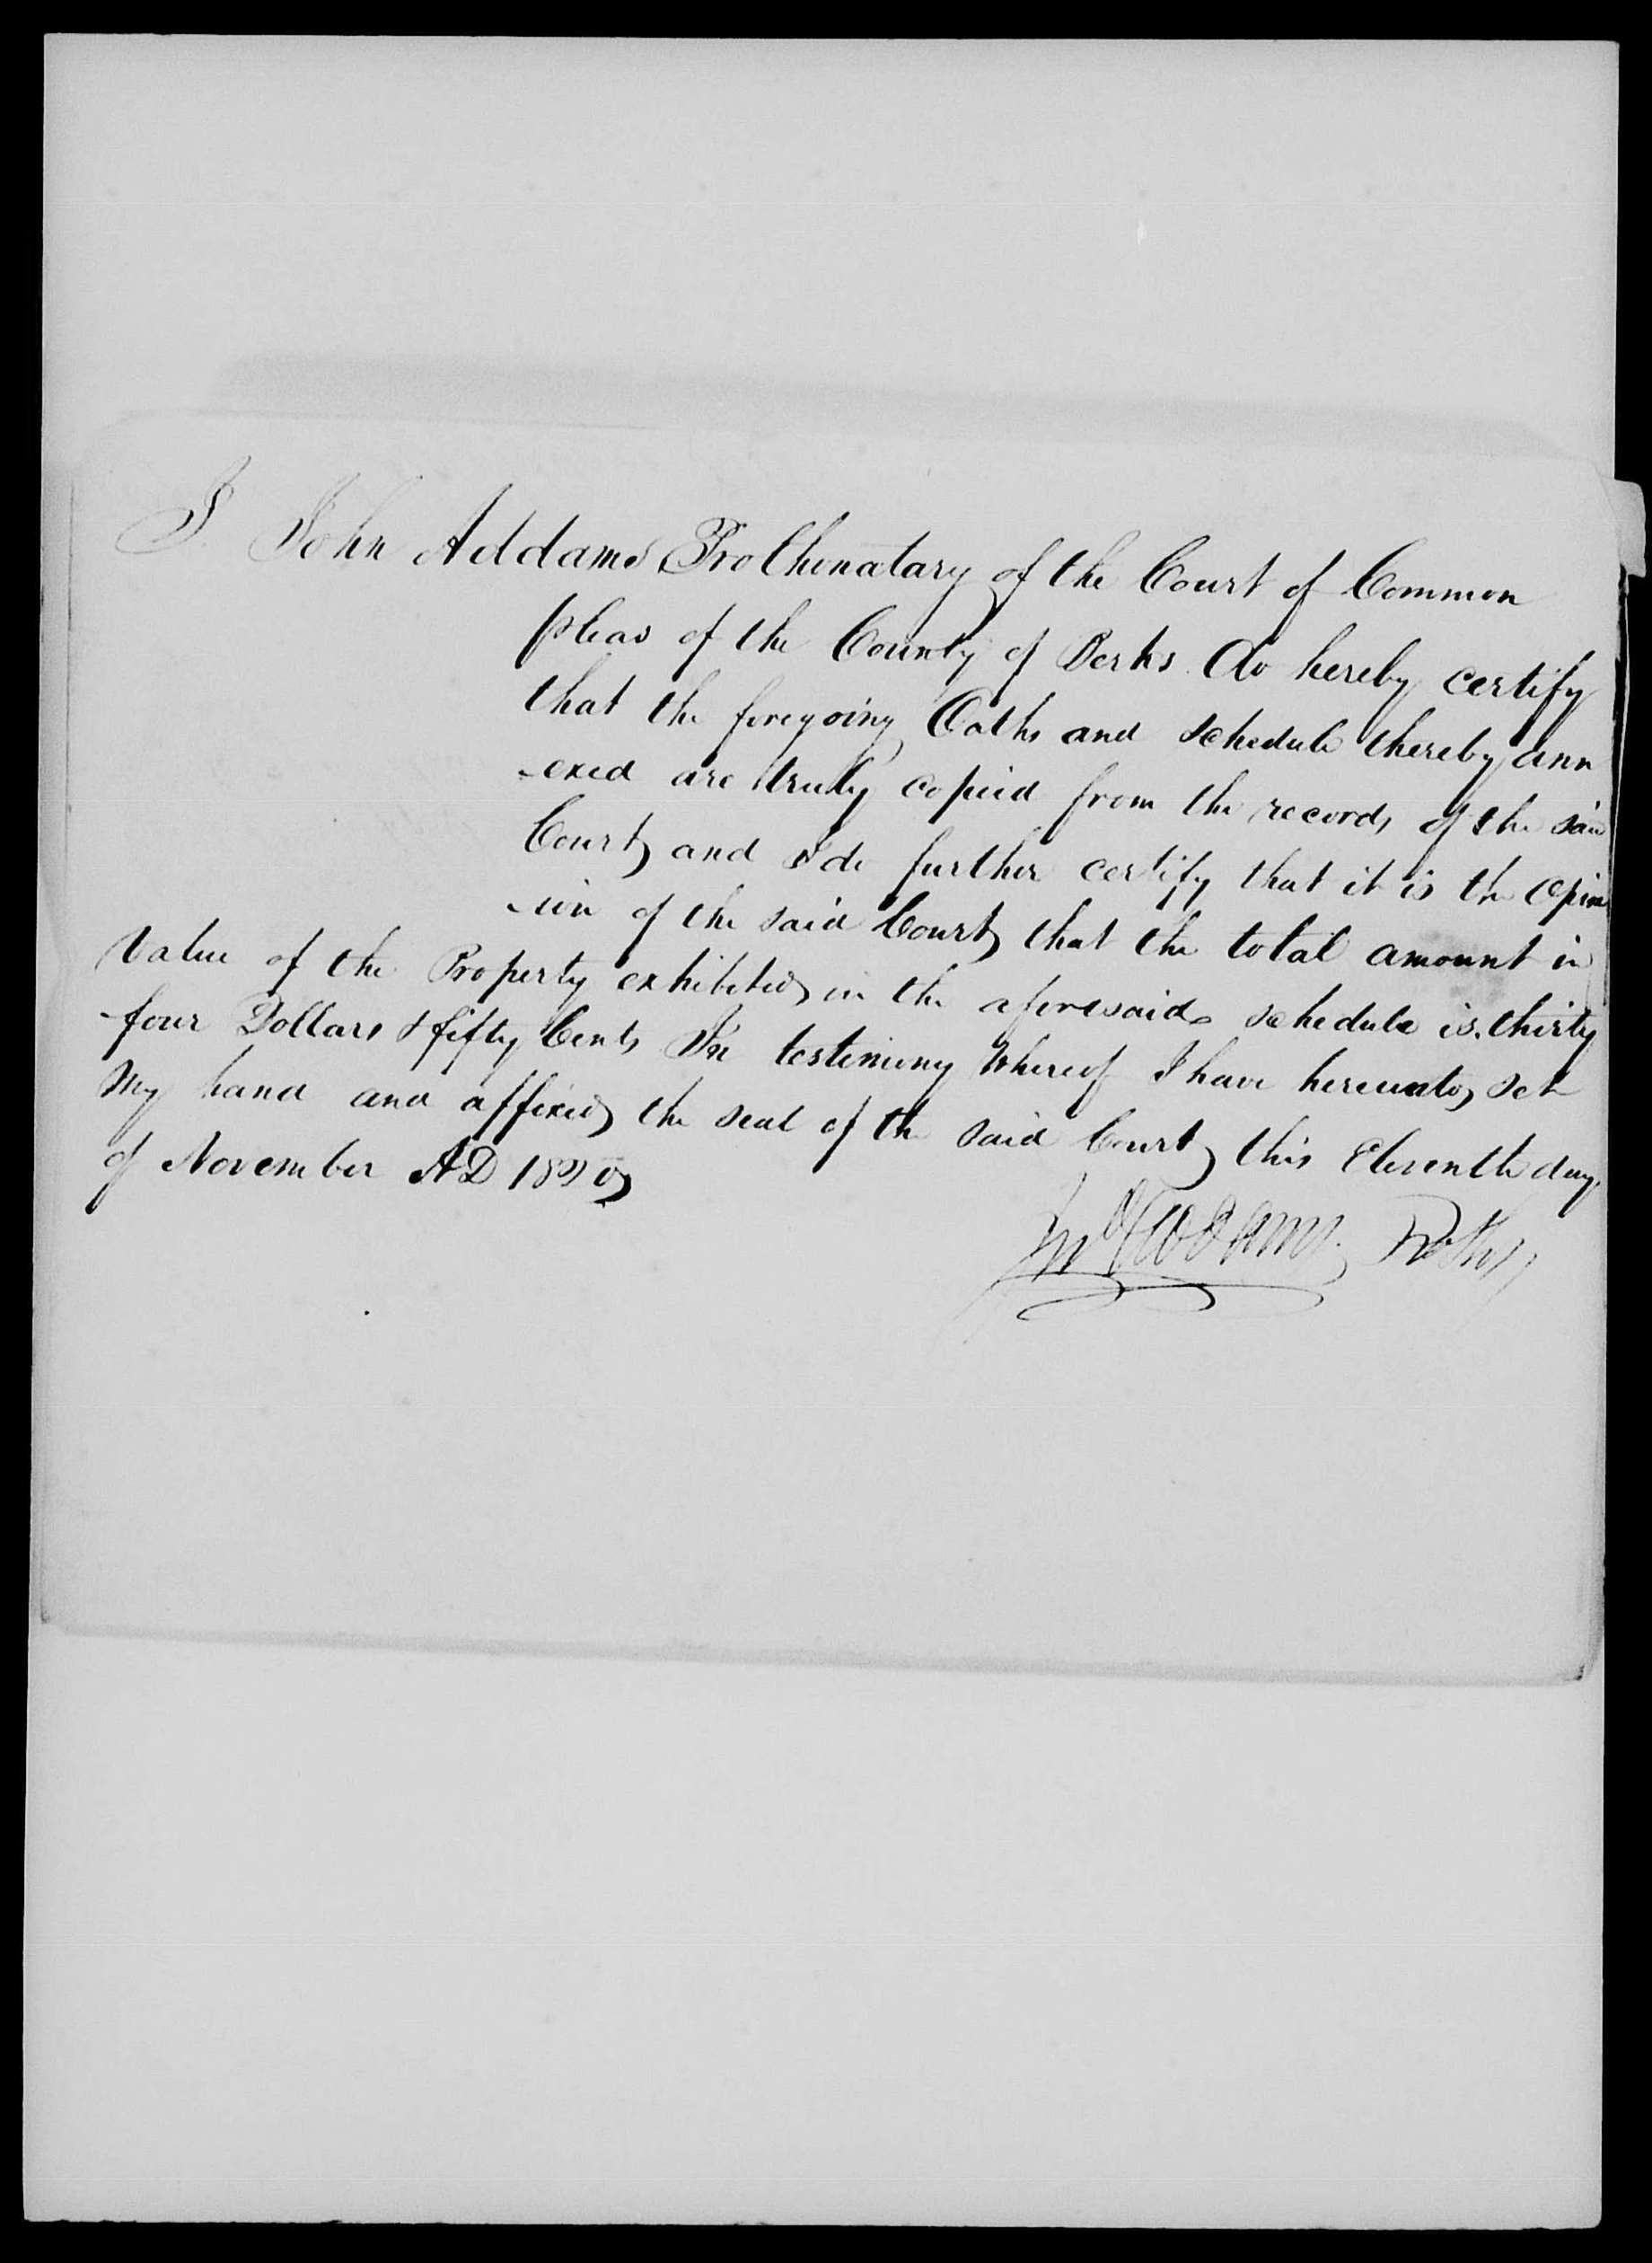I John Addams Prothonotary of the Court of Common
pleas of the County of Berks do hereby certify
that the foregoing Oaths and schedule thereby annexed
are truly copied from the records of the same
Court and I do certify that it is the [illegible]
Value of the Property exhibited in the aforesaid schedule is thirty
four Dollars & fifty Cents In testimony whereof I have hereunto set
My hand and affixed the seal of the said Court this eleventh day
of November AD [illegible]
Jno Addams Proth'y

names: John Addams, Jno Addams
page: 10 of 29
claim: widow's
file: W. 2,789, George Hartman, New Jersey